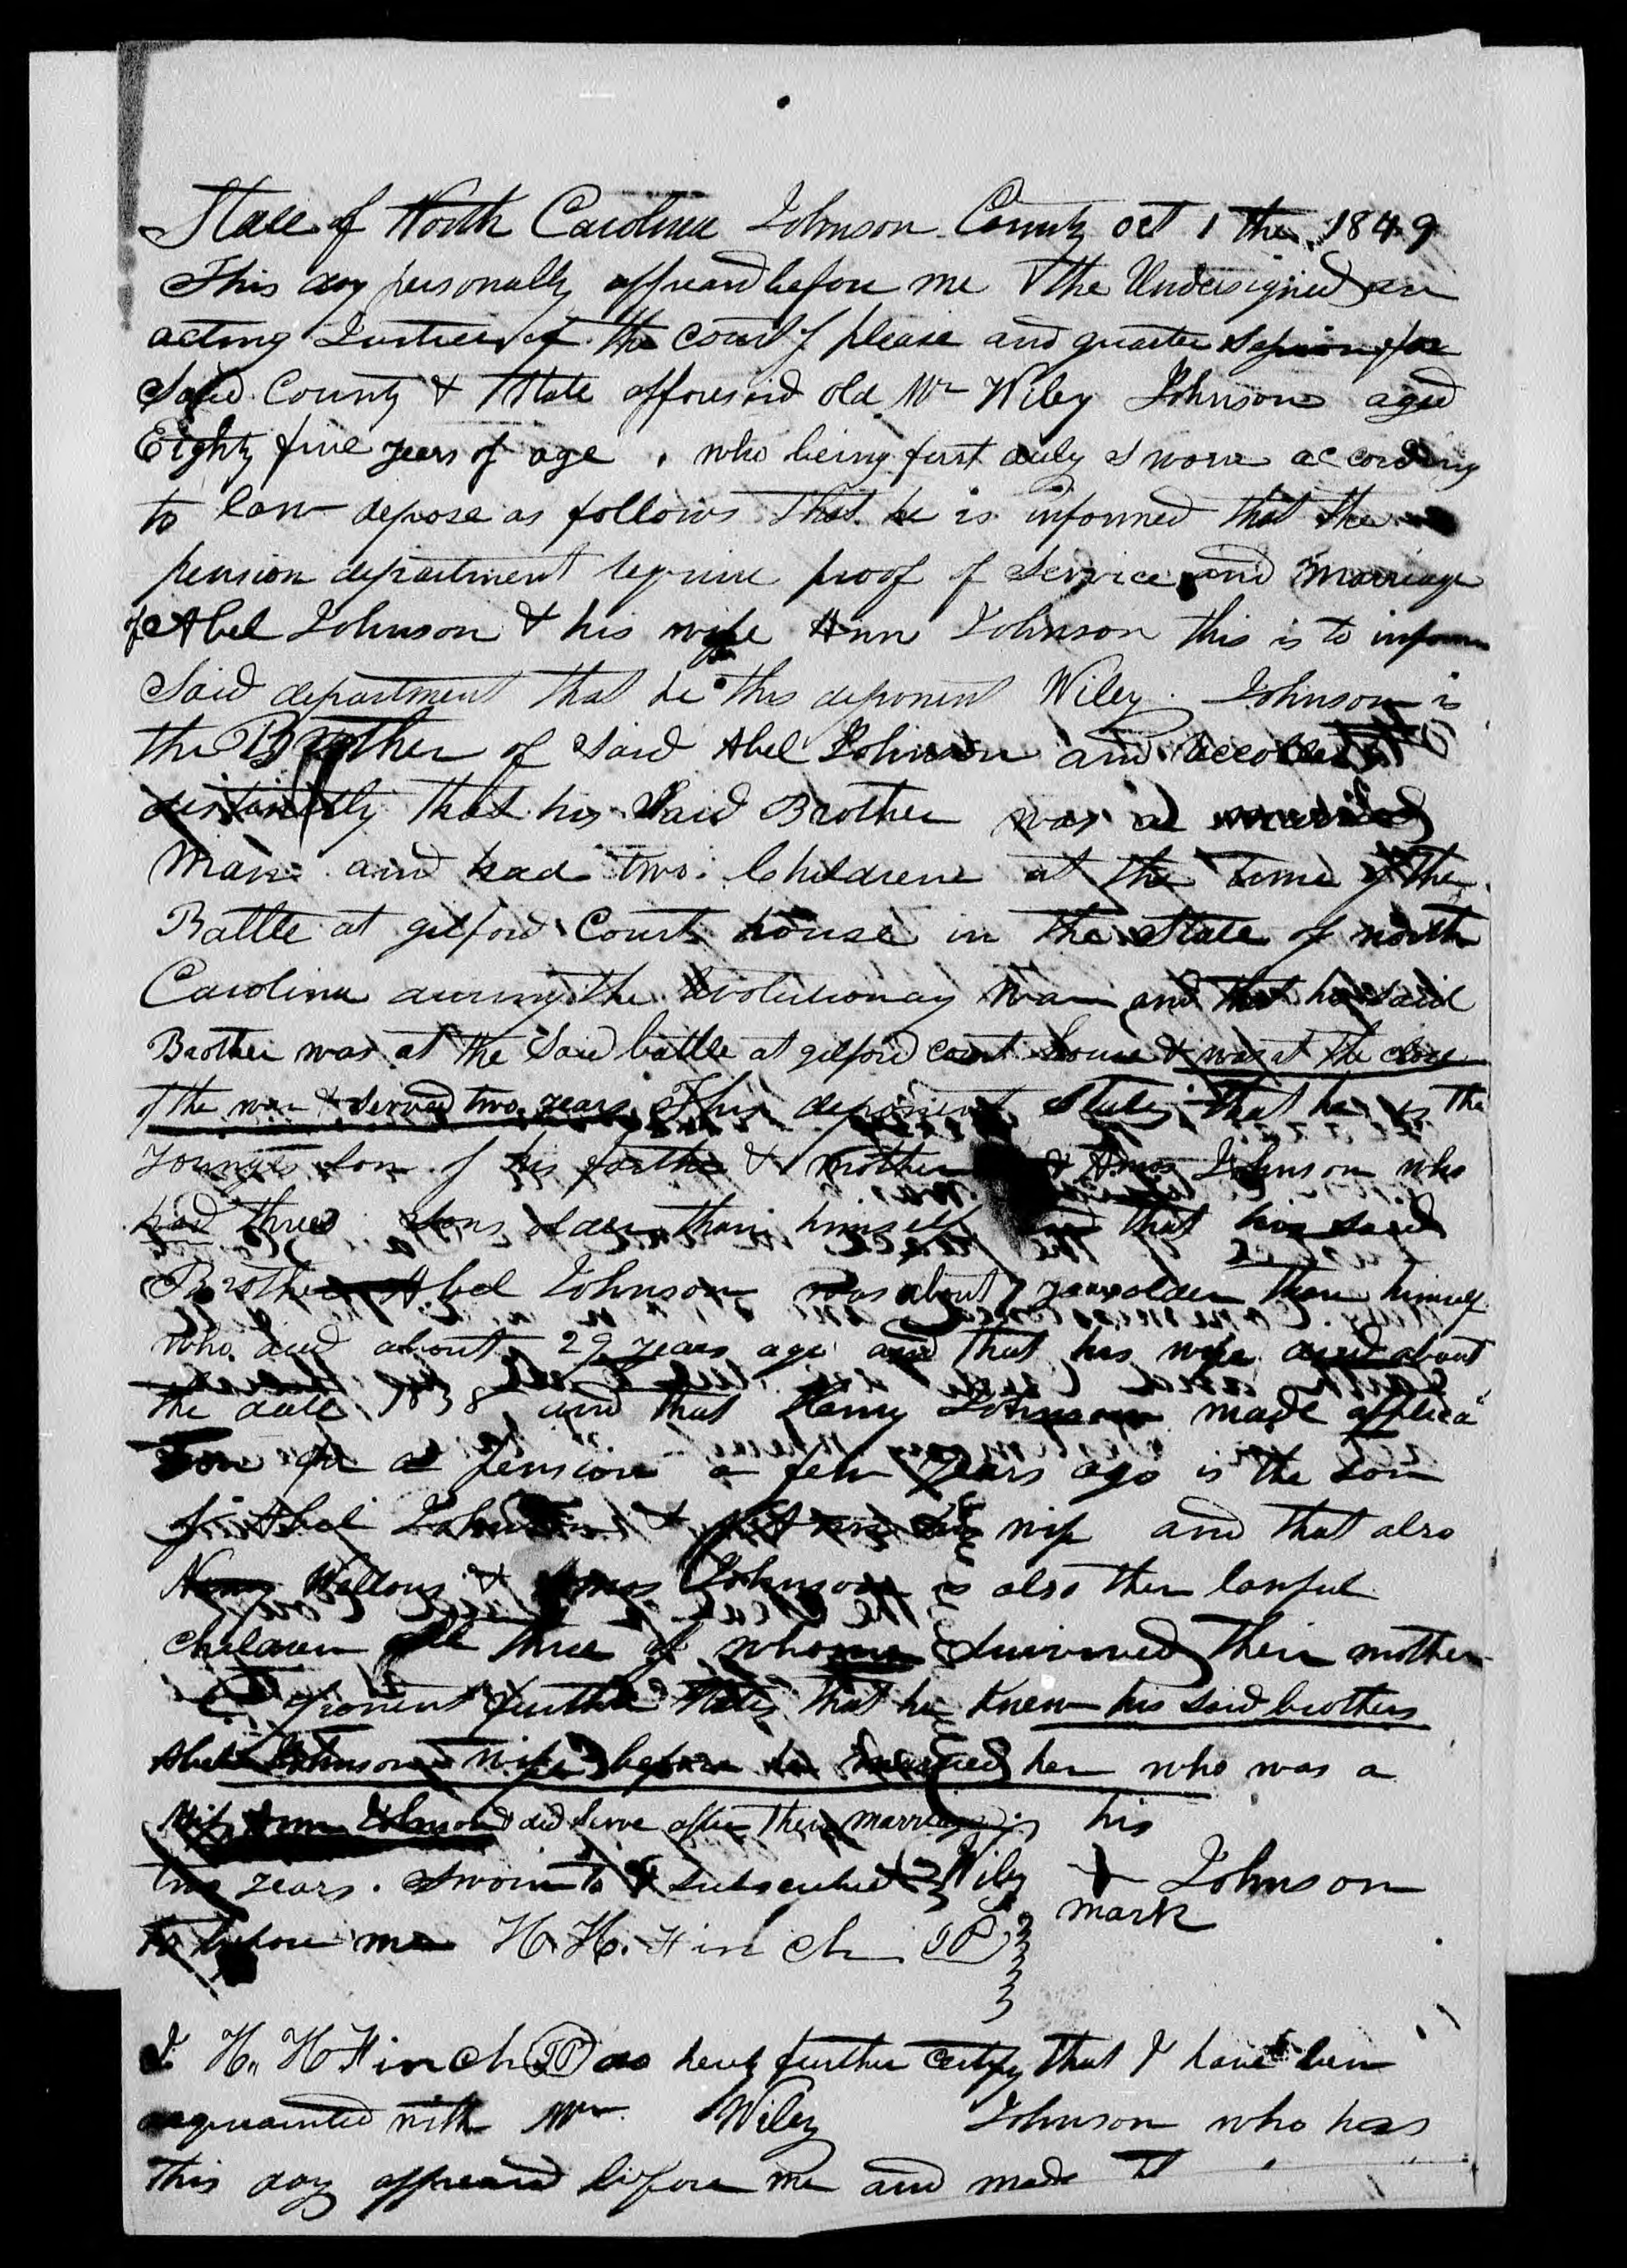State of North Carolina Johnson County Oct 1 the 1849 This day personally appeared before me the undersigned an acting Justice of the Court of pleas and quarter Sessions for said County & State afforesaid old Mr Wiley Johnson aged by Eighty five years of age, who being first duly sworn according to law depose as follows that he is informed that the pension department requires proof of service and marriage of Abel Johnson and his wife Ann Johnson this is to inform Said department that he this deponent Wiley Johnson is the Brother of said Abel Johnson and recollects distinctly that his said Brother was a married man and had two children at the time of the Battle at Gilford Court House in the State of North Carolina during the revolutionary war and that he said Brother was at the said Battle at Gilford Court House and was at the close of the war and served two years   This deponent states that he is the youngest son of his father and mother and Amos Johnson who has three sons older than himself   and that his said brother Abel Johnson was about 7 years older than himself who deceased about 29 years ago and that his wife deceased about 1838 and that Henry Johnson made application for a pension a few years ago is the son of Abel Johnson and Ann his wife and that also Nancy Wellons and Amos Johnson is also their lawful children all three of whom survived their mother   deponent further states that he knew his said brothers Abel Johnson wife before he married her who was a Miss Ann Johnson and did Serve after their marriage two years  Wiley Johnson his mark
Sworn to and subscribed to before me}   H. H. Finch  JP}

I H. H. Finch JP  do hereby further certify that I have been acquainted with Mr. Wiley Johnson who has this day appeared before me and made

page: 73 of 74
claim: rejected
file: R. 5600, for Abel Johnson, North Carolina